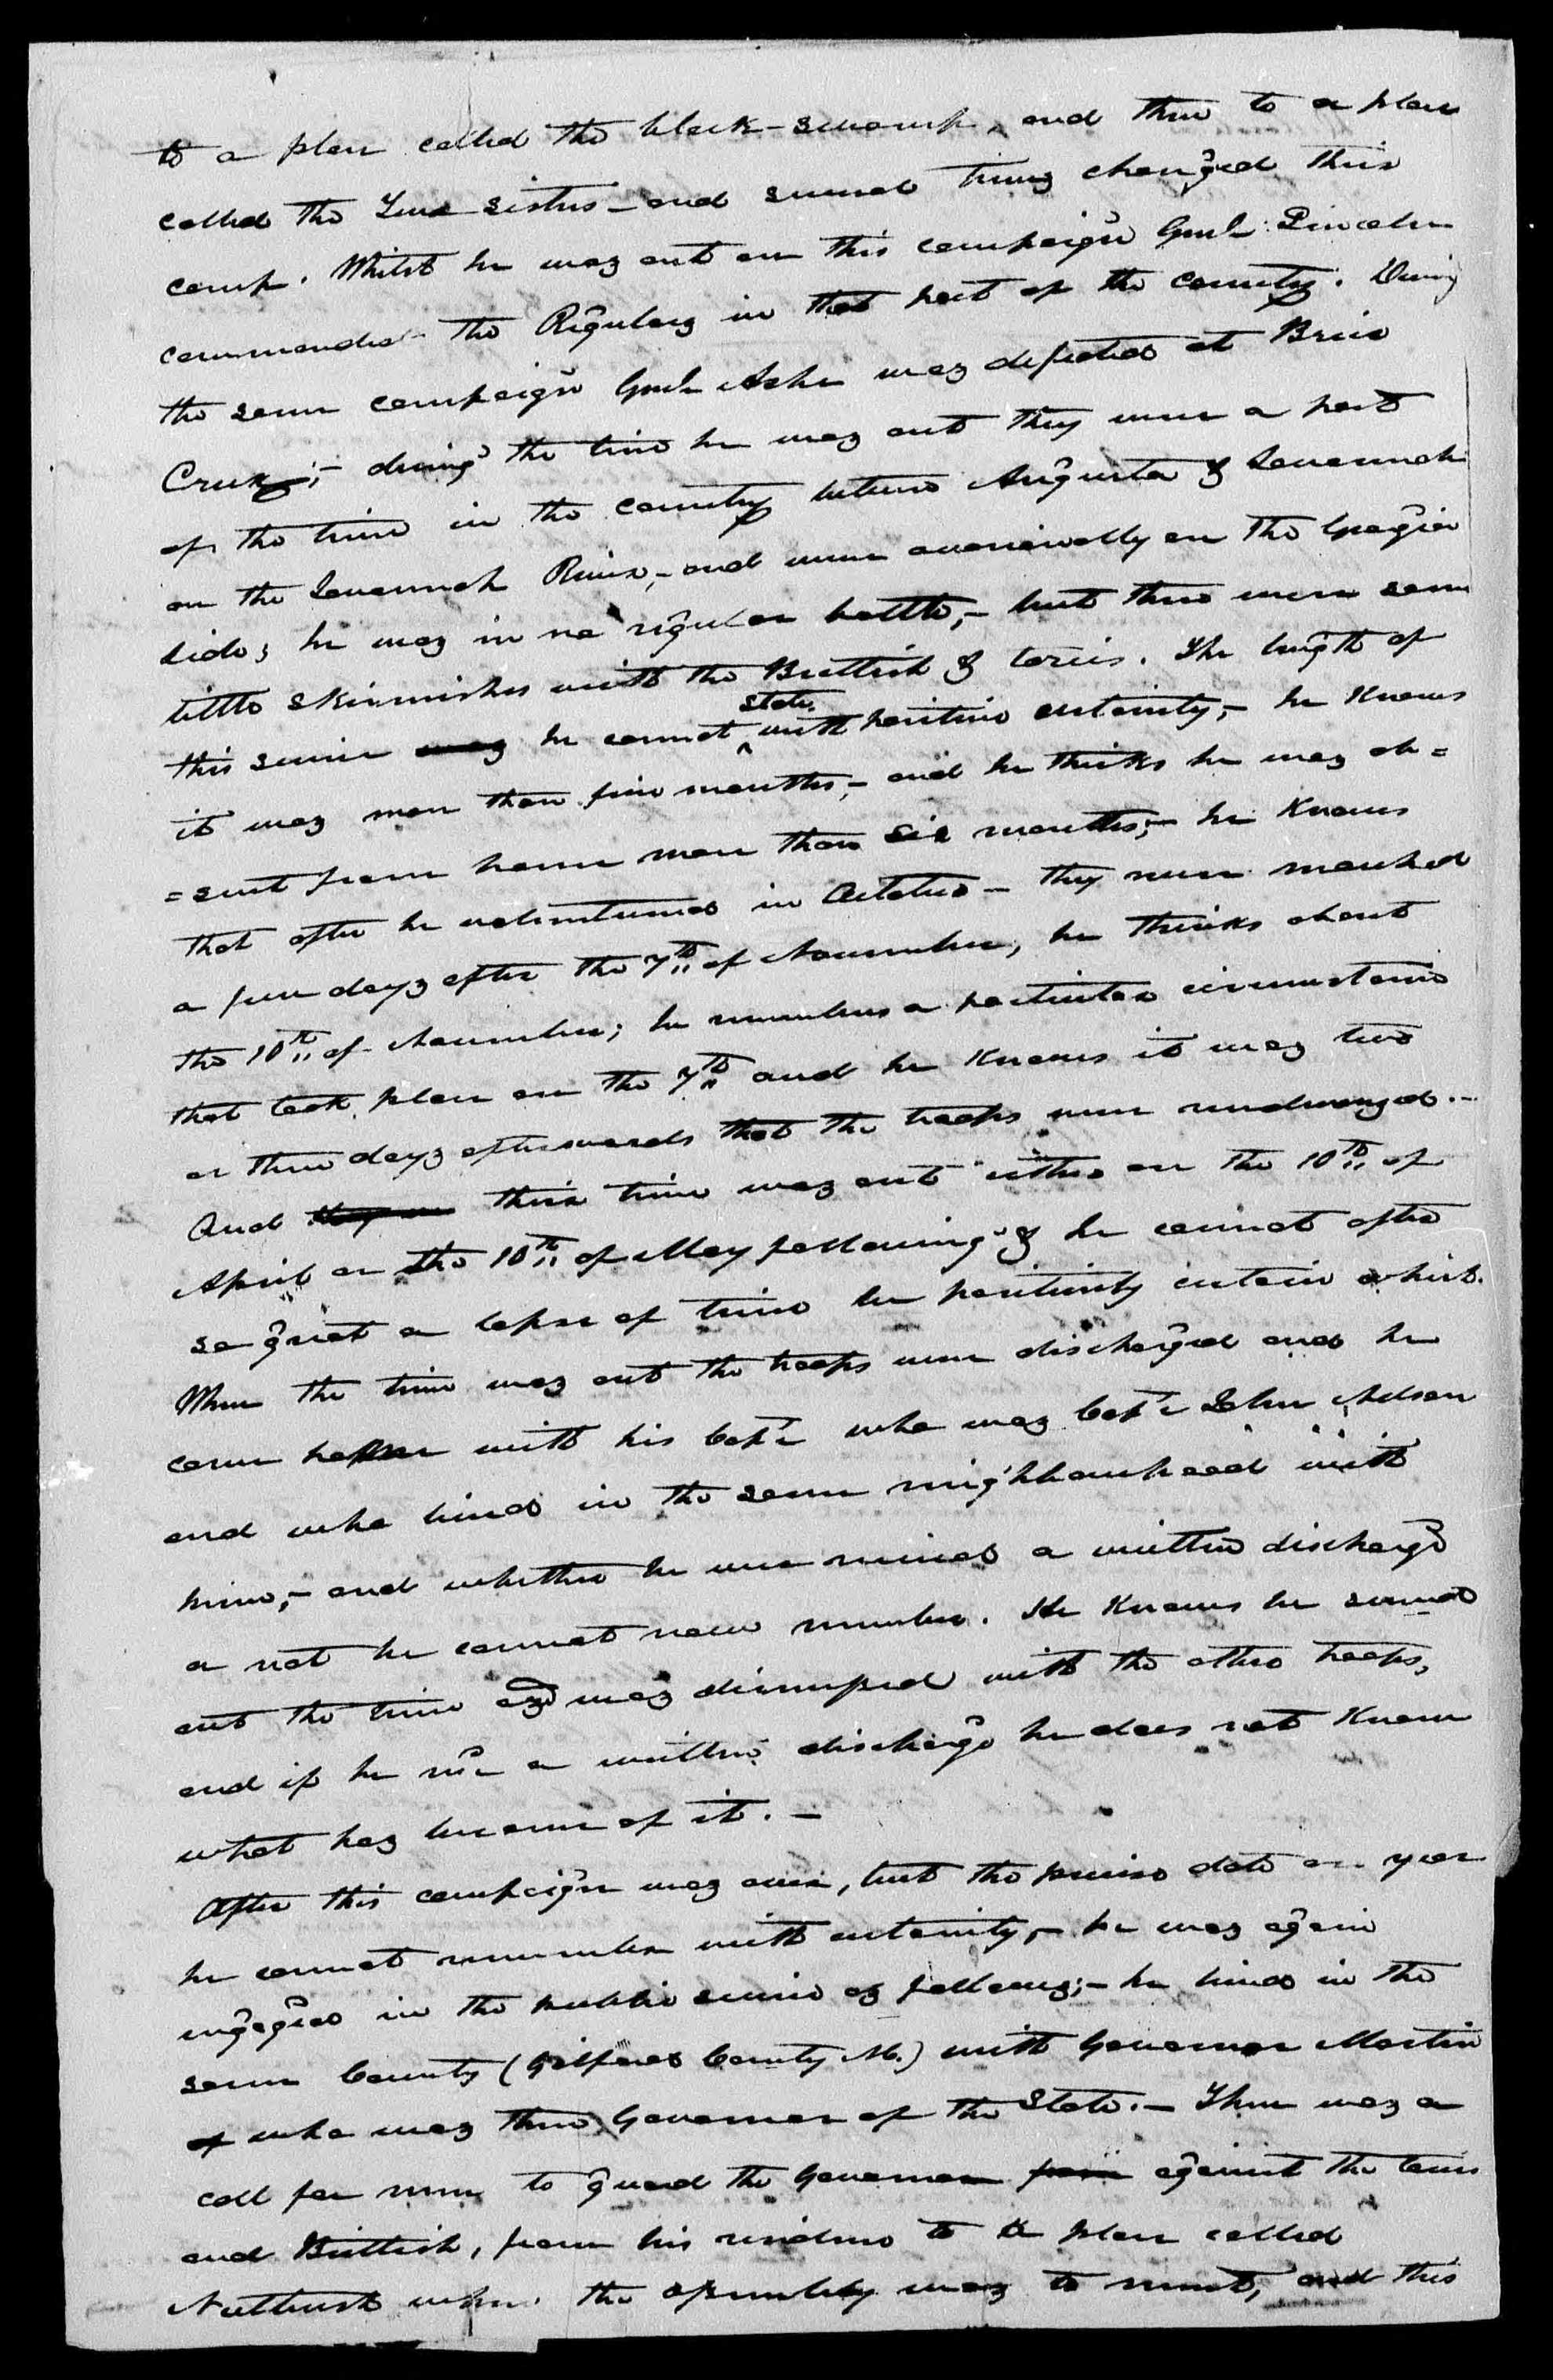to a place called the black swamp and then to a place called the Two Sisters -- and several times changed this camp.  Whilst he was out on this campaign General Lincoln commanded the Regulars in that part of the Country.  During the same campaign General Ashe was defeated at Briar Creek -- during the 
time he was out they were a part of the time in the country between Augusta & Savannah on the Savannah River, -- and were occasionally on the Georgia side; he was in no regular battle, -- but there were some little skirmishes with the British & Tories.  The length of this service he cannot state with positive certainty, -- he knows it was more than five months, -- and he thinks he was absent from home more than six months, -- he knows that after he volunteered in October -- they were marched a few days after the 7th of November, he thinks about the 10th of November; he remembers a particular circumstance that took place on the 7th and he knows it was two or three days afterwards that the troops were rendezvoused.  And his time was out either on the 10th of 
April or the 10th of May following & he cannot after so great a lapse of time be positively 
certain which.  When the time was out the troops were discharged and he came home with his Captain who was Captain John Nelson and who lived in the same neighborhood with him, -- and whether he ever received a written discharge or not he cannot now remember.  He knows he served out the time and was dismissed with the other troops, and if he received a written discharge he does not know what has become of it.  --  After this campaign was over, but the precise date or year he cannot remember with certainty, -- he was again engaged in the public service as follows; -- he lived in the same County  with Governor Martin who was then Governor of the State.  -- There was a call for men to guard the Governor against the Tories and British, from his residence to a place called Nutbush where the assembly was to meet, and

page: 13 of 27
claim: rejected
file: R. 5649, for Abner Johnson, North Carolina